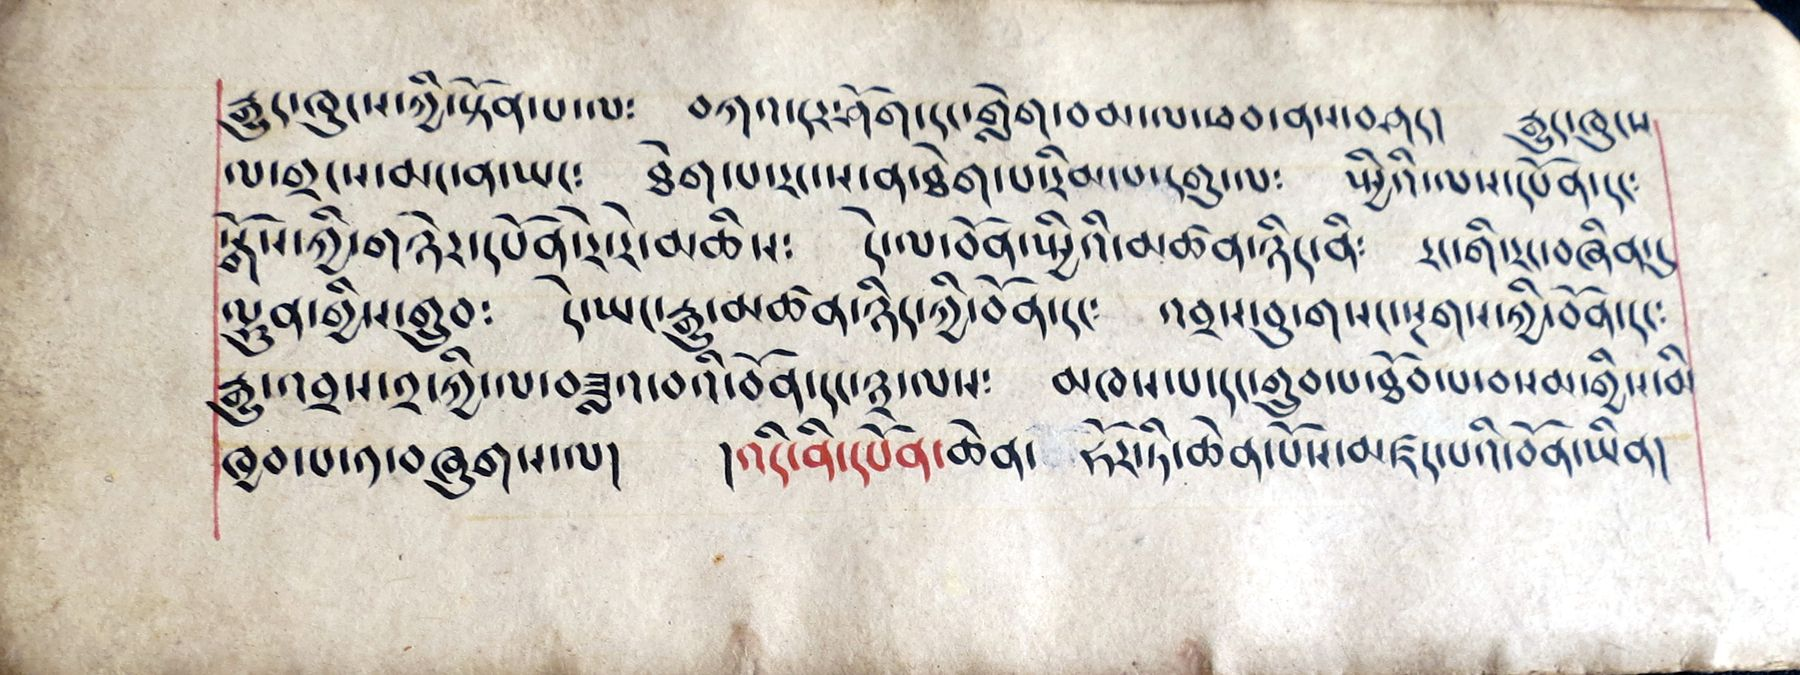རྒྱུད་ཁུངས་ཀྱི་སྟོན་པ་ལ། བཀའ་དར་ཤོག་དང་གླེགས་བམ་ལ་ཕབ་ནས་བཤད། རྒྱུད་ཁུངས་
ལ་གྲངས་མང་ན་ཡང་། ཐེག་པ་རང་ས་ན་ཐེག་པ་རིམ་པ་དགུ་ལ། སྤྱིའི་ལས་དཔོན་དང་
སྒོས་ཀྱི་གཉེར་དཔོན་རེ་རེ་མཆིས། དེ་ལ་བོན་སྤྱིའི་མཚན་ཉིད་ནི། རང་གི་རང་བཞིན་དུ་
ལྷུན་གྱིས་གྲུབ། དེ་ཡང་རྒྱུ་མཚན་ཉིད་ཀྱི་བོན་དང་། འབྲས་བུ་གསང་སྔགས་ཀྱི་བོན་དང་། 
རྒྱུ་འབྲས་ལ་བཟླ་བའི་བོན་དང་གསུམ་ལས། མཁས་པ་དང་གྲུབ་པ་ཐོབ་པ་བསམ་གྱིས་མི་
ཁྱབ་པ་ཅིག་བཞུགས་ལ། འདི་ནི་དཔོན་ཆེན་ཧོར་ཏི་ཆེན་པོས་མཛད་པའི་བོན་ཡིན།